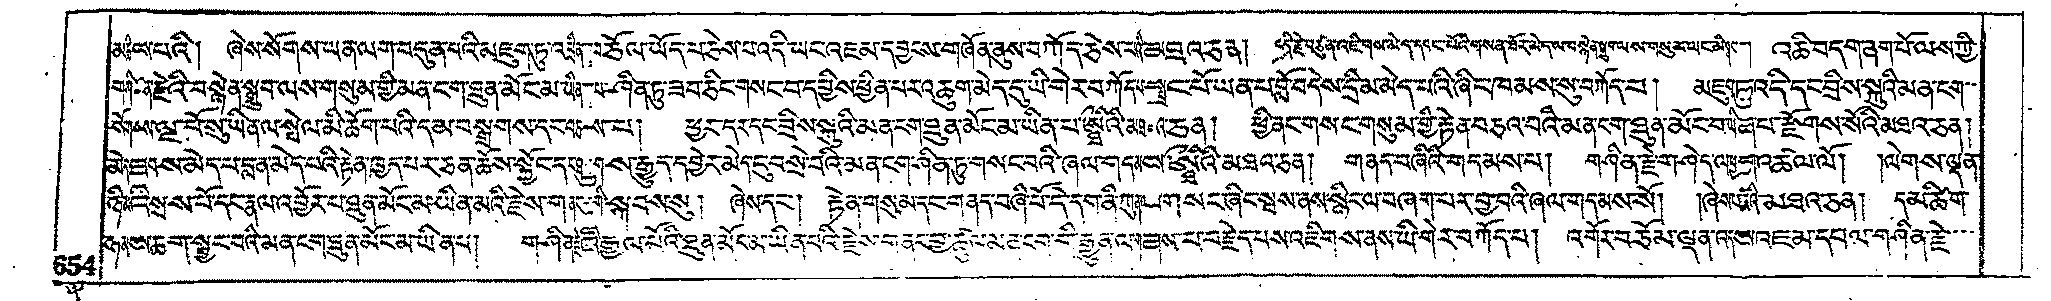མཆིས་པའི། ཞེས་སོགས་ཡན་ལག་བདུན་པའི་མཇུག་ཏུ་འཕྲིན་བཅོལ་ཡོད་པ་ཅེས་པ་འདི་ཡང་འཇམ་དབྱངས་གཞོན་ནུས་བཀོད་ཅེས་པའི་མཐའ་ཅན། འདི་རྗེ་བཙུན་འཇིགས་མེད་དབང་པོའི་གསན་ཐོར་མེད་ལ་བསྙེན་སྒྲུབ་ལས་གསུམ་ཡང་མི་སྣང་།  འཆི་བདག་ནག་པོ་ལས་ཀྱི་
གཤིན་རྗེའི་བསྙེན་སྒྲུབ་ལས་གསུམ་གྱི་མན་ངག་ཐུན་མོང་མ་ཡིན་པ་ཤིན་ཏུ་ཟབ་ཅིང་གསང་བ་དཔྱིས་ཕྱིན་པར་འཆུག་མེད་དུ་ཡི་གེར་བཀོད་པ་སྤྲང་པོ་ཡན་པ་བློ་བདེས་དྲི་མ་མེད་པའི་ཞིང་ཁམས་སུ་བཀོད་པ། མཇུག་ཏུ་འདི་དང་བྲིས་སྐུའི་མན་ངག་
སོགས་ལྔ་པོ་སུ་ཡིན་ལ་སྤེལ་མི་ཆོག་པའི་དམ་བསྒྲགས་དང་བཅས་པ། ཕྱར་དར་དང་བྲིས་སྐུའི་མན་ངག་ཐུན་མོང་མ་ཡིན་པ་ཨྀཐིའི་མཐའ་ཅན། ཕྱི་ནང་གསང་གསུམ་གྱི་རྟེན་བཅའ་བའི་མན་ངག་ཐུན་མོང་བ་ཡིན་པ་རྫོགས་སོའི་མཐའ་ཅན།
མེད་ཐབས་མེད་པ་བླ་ན་མེད་པའི་རྟེན་ཁྱད་པར་ཅན་ཆོས་སྐྱོང་དང་ཐུགས་རྒྱུད་དབྱེར་མེད་དུ་བསྲེ་བའི་མན་ངག་ཤིན་ཏུ་གསང་བའི་ཞལ་གདམས་ཨྀཐའའི་མཐའ་ཅན། གནད་བཞིའི་གདམས་པ། གཤིན་རྗེ་གཤེད་ལ་ཕྱག་འཚལ་ལོ། །ལེགས་ལྡན་
ཉི་མའི་སྲས་པོ་དང་རྣལ་འབྱོར་པ་ཐུན་མོང་མ་ཡིན་མའི་རྗེས་གནང་གི་སྐབས་སུ། ཞེས་དང་། རྟེན་གསུམ་དང་གནད་བཞི་པོ་དེ་དག་ནི་ཀུན་ལ་གསང་ཞིང་སྦས་ནས་སྙིང་ལ་བཞག་པར་བྱ་བའི་ཞལ་གདམས་སོ། །ཞེས་པའི་མཐའ་ཅན། དམ་ཚིག་
ཉམས་ཆག་སྦྱང་བའི་མན་ངག་ཐུན་མོང་མ་ཡིན་པ། གཤིན་རྗེའི་རྒྱལ་པོའི་ཐུན་མོང་མ་ཡིན་པའི་རྗེས་གནང་བྱ་ཚུལ་མན་ངག་གི་རྒྱུན་ལ་གནས་པ་བརྗེད་པས་འཇིགས་ནས་ཡི་གེར་བཀོད་པ། འགོར་བཅོམ་ལྡན་འདས་འཇམ་དཔལ་གཤིན་རྗེ་